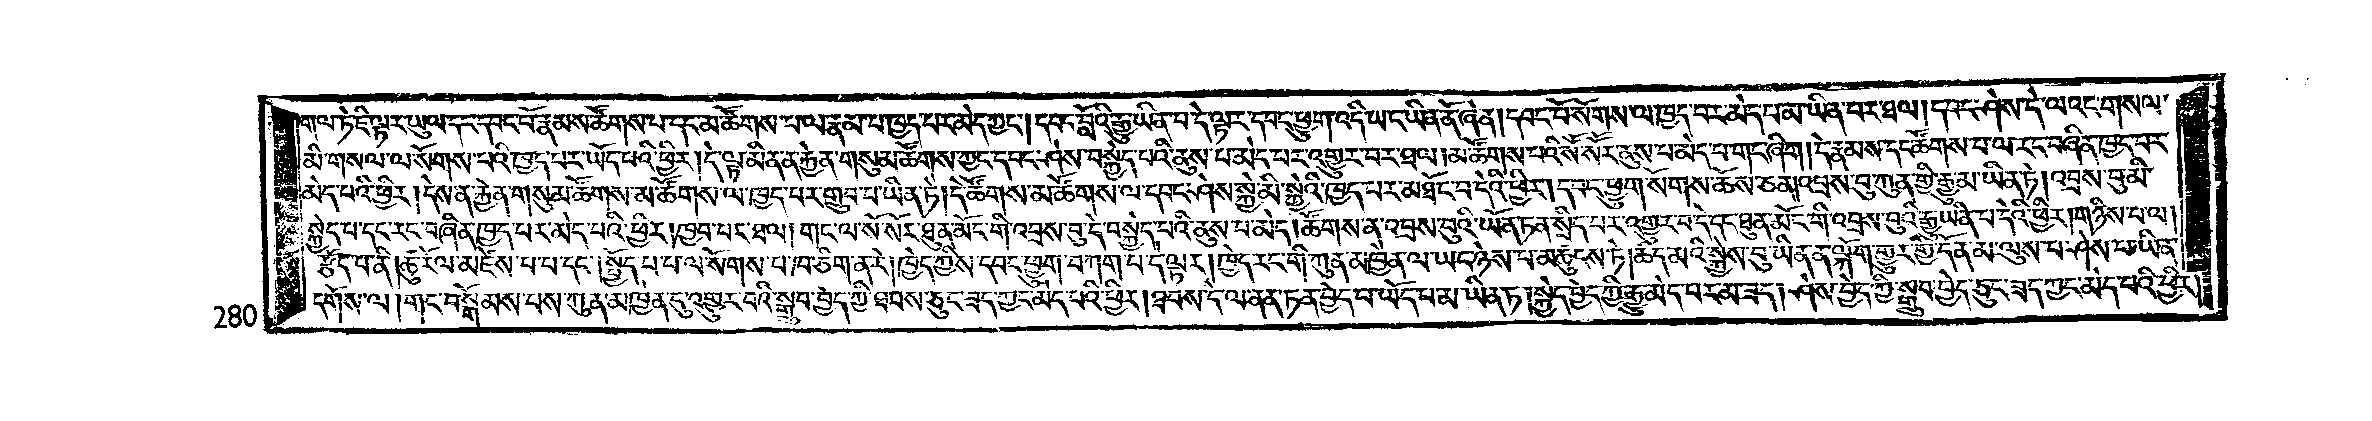གལ་ཏེ་ཇི་ལྟར་ཡུལ་དང་དབང་པོ་རྣམས་ཚོགས་པ་དང་མ་ཚོགས་པ་ལ་རྣམ་པ་ཁྱད་པར་མེད་ཀྱང་། དབང་བློའི་རྒྱུ་ཡིན་པ་དེ་ལྟར་དབང་ཕྱུག་འདི་ཡང་ཡིན་ནོ་ཞེ་ན། དབང་པོ་སོགས་ལ་ཁྱད་པར་མེད་པ་མ་ཡིན་པར་ཐལ། དབང་ཤེས་དེ་ལའང་གསལ་
མི་གསལ་ལ་སོགས་པའི་ཁྱད་པར་ཡོད་པའི་ཕྱིར། དེ་ལྟ་མིན་ན་རྐྱེན་གསུམ་ཚོགས་ཀྱང་དབང་ཤེས་བསྐྱེད་པའི་ནུས་པ་མེད་པར་འགྱུར་བར་ཐལ། མ་ཚོགས་པའི་སཽ་སཽར་ནུས་པ་མེད་པ་གང་ཞིག ། དེ་རྣམས་དང་ཚོགས་པ་ལ་རང་བཞིན་ཁྱད་པར་
མེད་པའི་ཕྱིར། དེས་ན་རྐྱེན་གསུམ་ཚོགས་མ་ཚོགས་ལ་ཁྱད་པར་གྲུབ་པ་ཡིན་ཏེ། དེ་ཚོགས་མ་ཚོགས་ལ་དབང་ཤེས་སྐྱེ་མི་སྐྱེའི་ཁྱད་པར་མཐོང་བ་དེའི་ཕྱིར། དབང་ཕྱུག་སོགས་ཆོས་ཅན། འབྲས་བུ་ཀུན་གྱི་རྒྱུ་མ་ཡིན་ཏེ། འབྲས་བུ་མི་
སྐྱེད་པ་དང་རང་བཞིན་ཁྱད་པར་མེད་པའི་ཕྱིར། ཁྱབ་པར་ཐལ། གང་ལ་སོ་སོར་ཐུན་མོང་གི་འབྲས་བུ་དེ་བསྐྱེད་པའི་ནུས་པ་མེད། ཚོགས་ན་འབྲས་བུའི་ཡོན་ཏན་སྲིད་པར་འགྱུར་བ་དེ་དང་ཐུན་མོང་གི་འབྲས་བུའི་རྒྱུ་ཡིན་པ་དེའི་ཕྱིར། གཉིས་པ་ལ།
རྩོད་པ་ནི། ཚུ་རོལ་མཛེས་པ་པ་དང་། སྤྱོད་པ་པ་ལ་སོགས་པ་ཁ་ཅིག་ན་རེ། ཁྱེད་ཀྱིས་དབང་ཕྱུག་བཀག་པ་དེ་ལྟར། ཁྱེད་རང་གི་ཀུན་མཁྱེན་ལ་ཡང་ཉེས་པ་མཚུངས་ཏེ། ཚད་མའི་སྐྱེས་བུ་ཡིན་ན་ལྐོག་གྱུར་གྱི་དོན་མ་ལུས་པ་ཤེས་པ་ཡིན་
དགོས་ལ། གང་བསྒོམས་པས་ཀུན་མཁྱེན་དུ་འགྱུར་བའི་སྒྲུབ་བྱེད་ཀྱི་ཐབས་ཅུང་ཟད་ཀྱང་མེད་པའི་ཕྱིར། ཐབས་དེ་ལ་ནན་ཏན་བྱེད་པ་ཡོད་པ་མ་ཡིན་ཏེ། སྐྱེད་བྱེད་ཀྱི་རྒྱུ་མེད་པར་མ་ཟད། ཤེས་བྱེད་ཀྱི་སྒྲུབ་བྱེད་ཅུང་ཟད་ཀྱང་མེད་པའི་ཕྱིར།